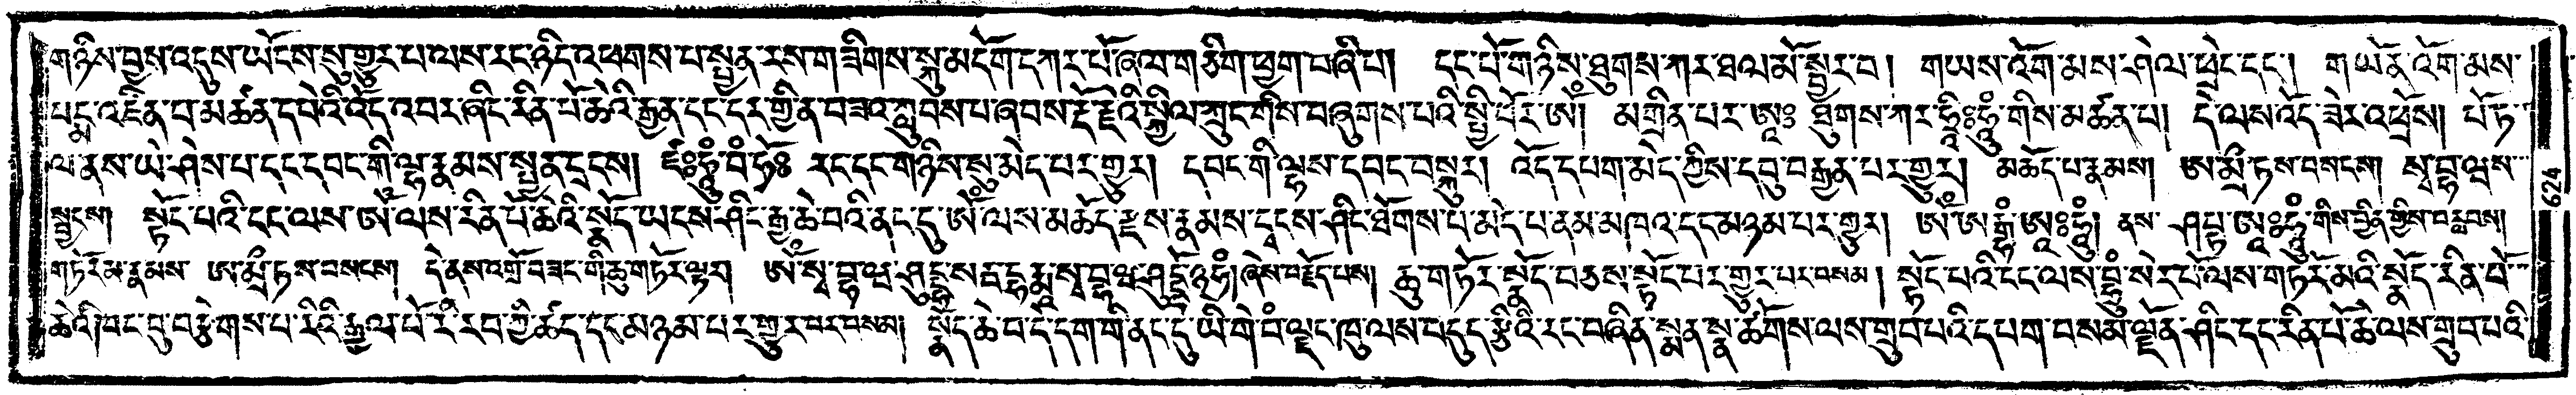གཉིས་བྱས་འདུས་ཡོངས་སུ་གྱུར་པ་ལས་རང་ཉིད་འཕགས་པ་སྤྱན་རས་གཟིགས་སྐུ་མདོག་དཀར་པོ་ཞལ་གཅིག་ཕྱག་བཞི་པ། དང་པོ་གཉིས་ཐུགས་ཀར་ཐལ་མོ་སྦྱར་བ། གཡས་འོག་མས་ཤེལ་ཕྲེང་དང་། གཡོན་འོག་མས་
པདམ་འཛིན་པ་མཚན་དཔེའི་འོད་འབར་ཞིང་རིན་པོ་ཆེའི་རྒྱན་དང་དར་གྱི་ན་བཟའ་ཀླུ་བས་པ་ཞབས་རྡོ་རྗེའི་སྐྱིལ་ཀྲུང་གིས་བཞུགས་པའི་སྤྱི་བོར་ཨོཾ། མགྲིན་པར་ཨཱཿ ཐུགས་ཀར་ཧྲཱིཿ ཧཱུཾ་གིས་མཚན་པ། དེ་ལས་འོད་ཟེར་འཕྲོས། པོ་ཏ་
ལ་ནས་ཡེ་ཤེས་པ་དང་དབང་གི་ལྷ་རྣམས་སྤྱན་དྲངས། ཛཿ ཧཱུཾ་པཾ་ཧོཿ རང་དང་གཉིས་སུ་མེད་པར་གྱུར། དབང་གི་ལྷས་དབང་བསྐུར། འོད་དཔག་མེད་ཀྱིས་དབུ་བརྒྱན་པར་གྱུར། མཆོད་པ་རྣམས། ཨ་མྲྀ་ཏས་བསངས། སྭ་བྷ་ཝས་
སྦྱངས། སྟོང་པའི་དང་ལས་ཨོཾ་ལས་རིན་པོ་ཆེའི་སྣོད་ཡངས་ཤིང་རྒྱ་ཆེ་བའི་ནང་དུ་ཨོཾ་ལས་མཆོད་རྫས་རྣམས་དྭངས་ཤིང་ཐོགས་པ་མེད་པ་ནམ་མཁའ་དང་མཉམ་པར་གྱུར། ཨོཾ་ཨརྦྷཾ་ཨཱཿ ཧཱུཾ། ནས། ཤཔྟ་ཨཱཿ ཧཱུཾ་གིས་བྱིན་གྱིས་བརླབས།
གཏོར་མ་རྣམས་ཨ་མྲྀ་ཏས་བསངས། དེ་ནས་འགྲོ་བཟང་གི་ཆུ་གཏོར་ལྟར། ཨོཾ་སྭ་བྷ་ཝ་ཤུདྡྷ་སརྦ་དྷརྨ་སྭ་བྷ་ཝ་ཤུདྡྷོ་ཉྲྷཾ། ཞེས་བརྗོད་པས། ཆུ་གཏོར་སྣོད་བཅས་སྟོང་པར་གྱུར་པར་བསམ། སྟོང་པའི་དང་ལས་བྷཱུཾ་སེར་པོ་ངང་ལས་བྷྲུཾ་སེར་པོ་ལས་གཏེར་མའི་སྣོད་རིན་པོ་
ཆེའི་ཁང་བུ་བརྩེགས་པ་རིའི་རྒྱལ་པོ་རི་རབ་ཀྱི་ཚད་དང་མཉམ་པར་གྱུར་པར་བསམ། སྣོད་ཆེ་བ་དེ་དག་གི་ནང་དུ་ཡི་གེ་པཾ་ལྗང་ཁུ་ལས་བདུད་རྩིའི་རང་བཞིན་སྨན་སྣ་ཚོགས་ལས་གྲུབ་པའི་དཔག་བསམ་ལྗོན་ཤིང་དང་རིན་པོ་ཆེ་ལས་གྲུབ་པའི་